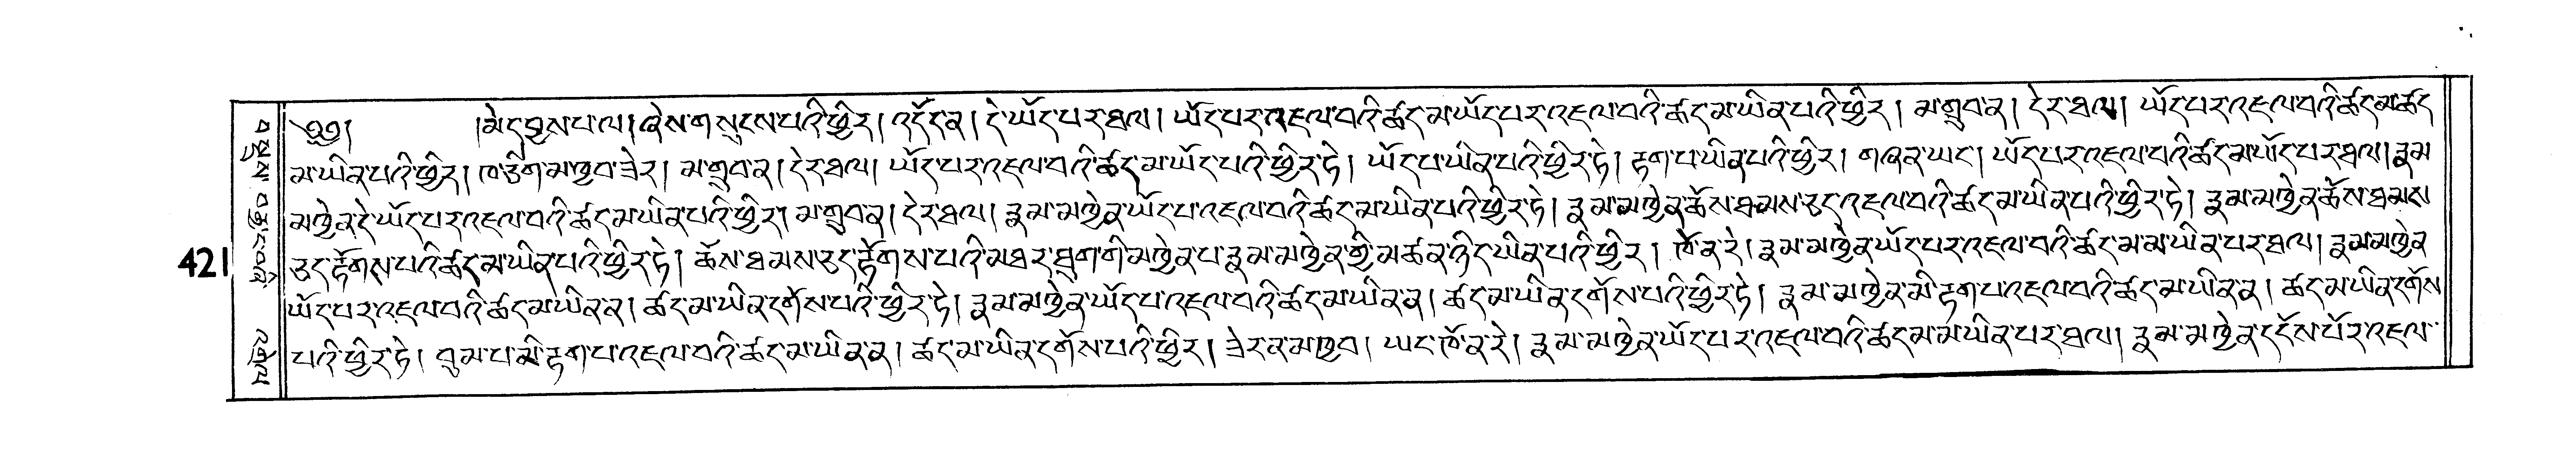༄༅། །མེད་བྱས་པ་ལ། ཞེས་གསུངས་པའི་ཕྱིར། འདོད་ན། དེ་ཡོད་པར་ཐལ། ཡོད་པར་འཇལ་བའི་ཚད་མ་ཡོད་པར་འཇལ་བའི་ཚད་མ་ཡིན་བའི་ཕྱིར། མ་གྲུབ་ན། དེར་ཐལ། ཡོད་པར་འཇལ་བའི་ཚད་མཚད་
མ་ཡིན་པའི་ཕྱིར། ཁ་ཅིག་མ་ཁྱབ་ཟེར། མ་གྲུབ་ན། དེར་ཐལ། ཡོད་པར་འཇལ་བའི་ཚད་མ་ཡོད་པའི་ཕྱིར་ཏེ། ཡོད་པ་ཡིན་པའི་ཕྱིར་ཏེ། རྟག་པ་ཡིན་པའི་ཕྱིར། གཞན་ཡང་། ཡོད་པར་འཇལ་བའི་ཚད་མ་ཡོད་པར་ཐལ། རྣམ་
མཁྱེན་དེ་ཡོད་པར་འཇལ་བའི་ཆད་མ་ཡིན་པའི་ཕྱིར། མ་གྲུབ་ན། དེར་ཐལ། རྣམ་མཁྱེན་ཡོད་པ་འཇལ་བའི་ཚད་མ་ཡིན་པའི་ཕྱིར་ཏེ། རྣམ་མཁྱེན་ཆོས་ཐམས་ཅད་འཇལ་བའི་ཚད་མ་ཡིན་པའི་ཕྱིར་ཏེ། རྣམ་མཁྱེན་ཆོས་ཐམས་
ཅད་རྟོགས་པའི་ཚད་མ་ཡིན་པའི་ཕྱིར་ཏེ། ཆོས་ཐམས་ཅད་རྟོགས་པའི་མཐུར་ཐུག་གི་མཁྱེན་པ་རྣམ་མཁྱེན་གྱི་མཚན་ཉིད་ཡིན་པའི་ཕྱིར། ཁོ་ན་རེ། རྣམ་མཁྱེན་ཡོད་པར་འཇལ་བའི་ཚང་མ་ཡིན་པར་ཐལ། རྣམ་མཁྱེན་
ཡོད་པར་འཇལ་བའི་ཚད་མ་ཡིན་ན། ཚད་མ་ཡིན་དགོས་པའི་ཕྱིར་ཏེ། རྣམ་མཁྱེན་ཡོད་པ་འཇལ་བའི་ཚད་མ་ཡིན་ན། ཚད་མ་ཡིན་དགོས་པ་འི་ཕྱིར་ཏེ། རྣམ་མཁྱེན་མི་རྟག་པ་འཇལ་བའི་ཚད་མ་ཡིན་ན། ཟམ་མཁྱེན་
པའི་ཕྱིར་ཏེ། བུམ་བ་མི་རྟག་པ་འཇལ་བའི་ཚད་མ་ཡིན་ན། ཚང་མ་ཡིན་དགོས་པའི་ཕྱིར། ཟེར་ན་མ་ཁྱབ། ཡང་ཁྱོ་ན་རེ། རྣམ་མཁྱེན་ཡོད་པར་འཇམ་བའི་ཚད་མ་ཡིན་པར་ཐལ། རྣམ་མཁྱེན་དངོས་པོར་འཇལ་